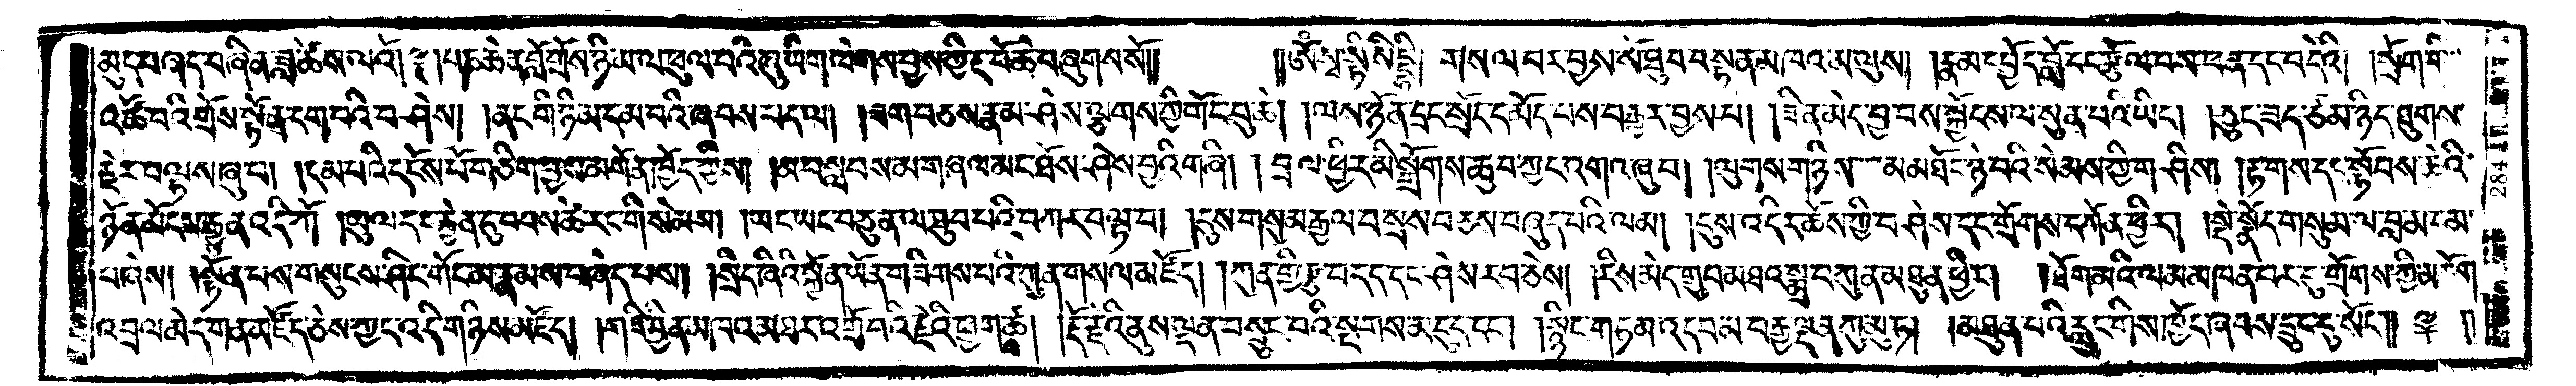མུད་བཞད་བཞིན་ཟླ་ཚེགས་ལའོ། ༈ །པཎ་ཆེན་བློ་གྲོས་ཉི་མ་འཁུལ་བའི་གུ?་ཡིག་ལེགས་བྱས་ཀྱི་རྔ་བོ་ཆེ་བཞུགས་སོ།། །།ཨོཾ་སྭ་སྟི་སིདྡྷི། གསལ་པར་བྱས་སོ་ཐུབ་བསྟན་མཁའ་མ་ལུས། །རྣམ་དཔྱོད་བློ་ངང་རྩོལ་བས་ཞན་དང་བདེའི་སྲོག་གི་
འཚོ་བའི་གྲོས་སྟོན་ངག་བའི་བཤེས། །ནང་གི་ཉི་མ་དམ་བའི་ཞབས་པད་ལ། །ཟག་བཅས་རྣམ་ཤེས་ལྕགས་ཀྱི་གོང་བུ་ཆེ། །ལས་ཉོན་དྲང་སྲོད་དམོད་པས་བརྒྱར་བྱས་པ། །ཟིན་མེད་བྱ་བས་སྐྱོངས་ལ་སུན་པའི་ཡིད། །ཅུང་ཟད་ཙམ་ཉིད་ཐུགས་
རྗེར་བལྟས་ཞུང་། །དམ་པའི་དངོས་པོ་གཅིག་བྱས་མགོན་ཁྱོད་ཀྱིས། །མ་བསླ་བསམ་གཞལ་མང་ཐོས་ཤེས་བྱའི་གཞི། བྲལ་ཕྱིར་མི་སྒྲོགས་ཆུབ་ཀྱང་འགའ་ཞུབ། །ལུགས་གཉིས་མ་མཐོང་ཉེ་བའི་སེམས་ཀྱི་གཤིས། །རྟགས་དང་སྟོབས་ཆེའི་
ཉོན་མོངས་རྒྱན་འདི་ཀོ །ཡུལ་དང་རྐྱེན་དུ་བབས་ཚེ་རང་གི་སེམས། །ཡང་ཡང་བཅུན་ལ་ཐུབ་པའི་བཀར་བ་ལྟ་བ། །དུས་གསུམ་རྒྱལ་བསྲས་བཅས་བཞུད་བའི་ལམ། །དུས་འདིར་ཆོས་ཀྱི་བཤེས་དང་གྲོགས་དཀོན་ཕྱིར། །སྡེ་སྣོད་གསུམ་བླ་མ་དམ་
བཞེས། །སྟོན་པས་གསུངས་ཤིང་གོང་རྣམས་བཞེད་པས། །སྲིད་ཞིའི་སྐྱོན་ཡོན་གཟིགས་པའི་ཀུན་གསལ་མཛོད། །ཀུན་གྱི་རྩ་བ་བདབ་དང་ཤེས་རབ་ཅེས། །རིས་མེད་གྲུབ་མཐའ་སྨྲ་བཀུན་མཐུན་ཕྱིར། །ཐོག་མའི་ལམ་མཁན་བར་དུ་གྲོགས་ཀྱི་མཆོག་
འབྲལ་མེད་གནམ་ཛོད་ཅེས་ཀྱང་འདི་གཉིས་མཛོད། །གཟི་བྱིན་མཁའ་མཐར་འགྲོ་བའི་རྗེའི་ཕྱག་ཚ། །རྡོ་རྗེའི་ནུས་ལྡན་བསྲུང་བའི་སྔགས་ན་དུད་དང་། །སྙིང་གཏམ་འདབ་མ་བརྒྱ་ལྡན་ཀུ་མུ་ཏ། །མཐུན་པའི་རླུང་གིས་ཁྱོད་ཞབས་དུ་སོང།། ༈ །